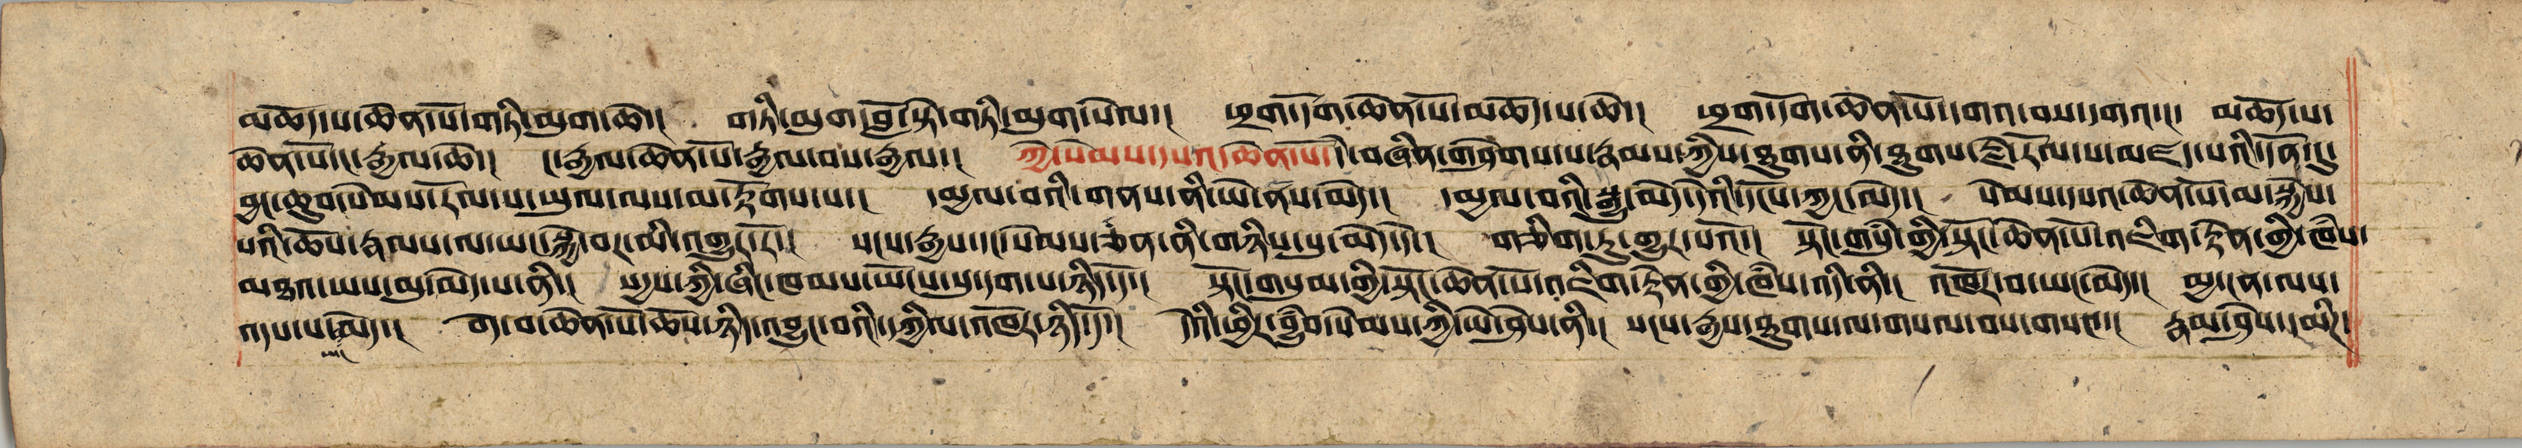མཆོད་པ་ཆེན་པོ་གཏི་མུག་ཆེ་། གཏི་མུག་བློ་སྟེ་གཏི་མུག་སེལ་། ཕྲག་དོག་ཆེན་པོ་མཆོད་པ་ཆེ་། ཕྲག་དོག་ཆེན་པོ་དགའ་བས་དགའ་།་ མཆོད་པ་
ཆེན་པོ་ང་རྒྱལ་ཆེ་། ང་རྒྱལ་ཆེན་པོ་རྒྱལ་བས་རྒྱལ་། ཀྱེ་སེམས་དཔའ་ཆེན་པོ་དེ་བཞིན་གཤེགས་པ་རྣམས་ཀྱིས་ཐུགས་ནི་ཐུགས་རྗེ་རོལ་པ་མཛད་པའི་དོན་དུ་
བྱང་ཆུབ་སེམས་རོལ་པ་ཡུལ་ལས་མ་རྟོགས་པ་། དམྱལ་བའི་གནས་ནི་ཡེ་ནས་མེད་། དམྱལ་བའི་སྒྱུ་མེད་དེའི་དངོས་ཀྱང་མེད་། སེམས་དཔའ་ཆེན་པོ་མ་སྐྱེས་
པའི་ཆོས་རྣམས་ལ་ཡང་སྐྱེ་བར་མི་འགྱུར་རོ་། སངས་རྒྱས་དང་སེམས་ཅན་ནི་གཉིས་སུ་མེད་དེ་། གཅིག་ཏུ་གྱུར་པའོ་། སྟོང་གསུཾ་གྱི་སྟོང་ཆེན་པོ་འཇིག་རྟེན་གྱི་ཁཾས་
མཐའ་ཡས་མུ་མེད་པ་ནི་། སདྱས་ཀྱི་ཞིང་ཁམས་ཡོངས་སུ་དག་པ་ཉིད་དོ་། སྟོང་གསུམ་གྱི་སྟོང་ཆེན་པོ་འཇིག་རྟེན་གྱི་ཁཾས་འདི་ནི་། འཁོར་བ་ཡང་མེད་། མྱ་ངན་ལས་
འདས་པ་ཡང་མེད་། བདེ་བ་ཆེན་པོ་ཆོས་ཉིད་འབྱུང་བའི་དཀྱིལ་འཁོར་ཉིད་དོ་། དེའི་ཕྱིར་བྱུཾབ་སེམས་ཀྱི་ཡེ་ཤེས་ནི་། སངས་རྒྱས་ཐུགས་ལ་གསལ་བས་གསང་་། རྣམ་ཤེས་དམིཌ་